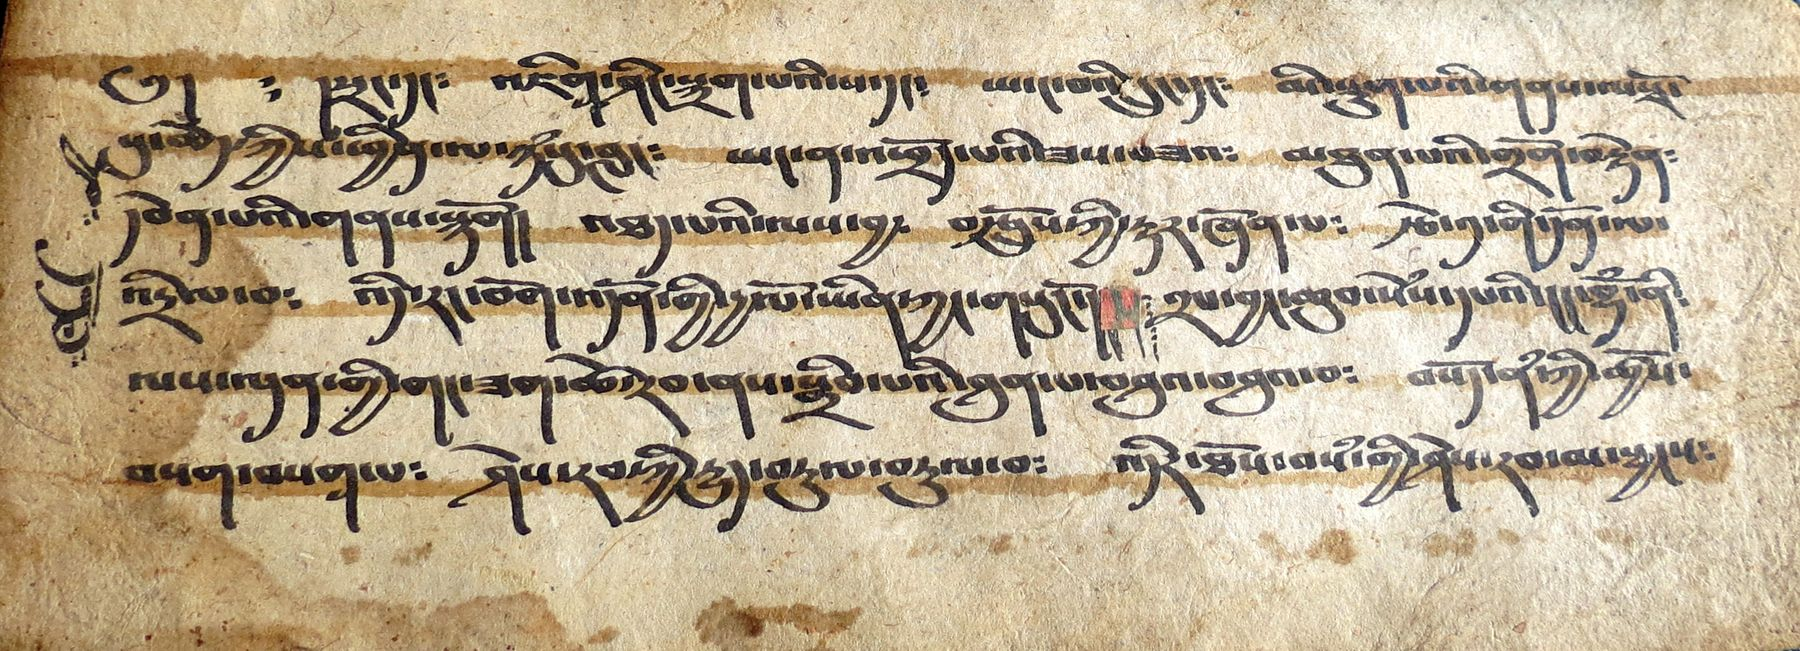བསྲང་དང་། འཇིགས་ཤིང་སྐྲག་པའི་ས་དང་། ཡ་ང་བའི་དྲུང་དང་། མི་སྡུག་པའི་གནས་ལ་སོགས་
སུ་ཆེད་ཀྱིས་ཕྱིན་ལ་ཉམས་སུ་བླང་། ཡང་ན་འཕྲོད་པའི་ཟས་བཟའ། མཐུན་པའི་གྲོགས་བསྟེན། 
དབེན་པའི་གནས་སྙོགས། འཐད་པའི་ལས་བྱ། བརྩོན་འགྲུས་ཀྱི་རྟ་ཞོན། རྩེ་གཅིག་གི་དོན་ལ་
འདྲིལ་བ། འདི་རང་བོགས་འདོན་གྱི་རྒྱལ་པོ་ཡིན་ཡང་། གསུངས་སོ། ། གཉིས་པ་བྱང་ཆུབ་སེམས་དཔའི་ངང་བསྒོམ་ནི། 
ལས་ལྡན་གྱི་གང་ཟག་ཚེ་རབས་ནས་སྒྲིབ་པའི་ཤུན་པ་བཤུ་བ། བསོད་ནམས་ཀྱིས་ཚོགས་
བསགས་བསགས་པ། ཤེས་རབ་ཀྱིས་རྒྱུད་བཏུལ་བཏུལ་བ། འདིར་ཐོས་བསམ་གྱི་ཤེས་རབ་མ་སྦྱངས།